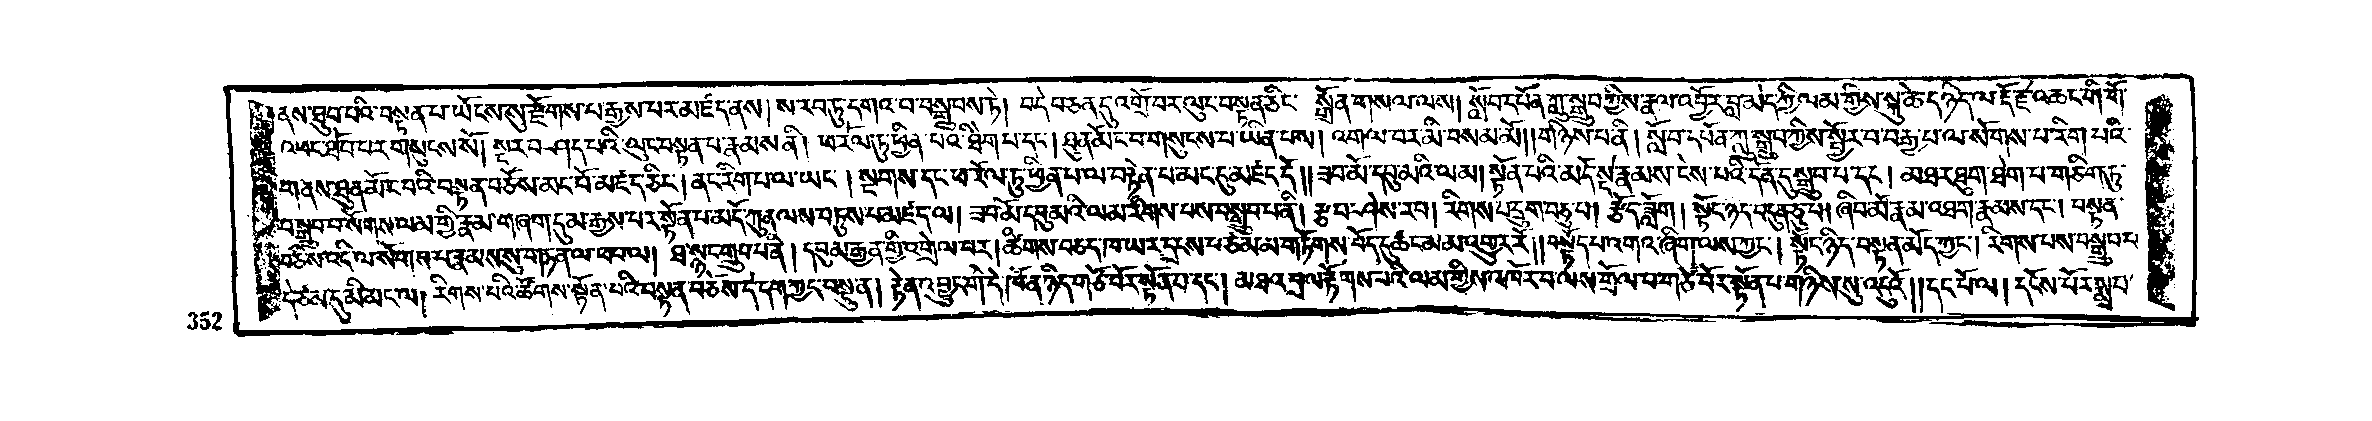ནས་ཐུབ་པའི་བསྟན་པ་ཡོངས་སུ་རྫོགས་པ་རྒྱས་པར་མཛད་ནས། ས་རབ་ཏུ་དགའ་བ་བསྒྲུབས་ཏེ། བདེ་བ་ཅན་དུ་འགྲོ་བར་ལུང་བསྟན་ཅིང་། སྒྲོན་གསལ་ལས། སློབ་དཔོན་ཀླུ་སྒྲུབ་ཀྱིས་རྣལ་འབྱོར་བླ་མེད་ཀྱི་ལམ་གྱིས་སྐུ་ཆེད་ཉིད་ལ་རྡོ་རྗེ་འཆང་གི་གོ་
འཕང་ཐོབ་པར་གསུངས་སོ། །སྔར་བཤད་པའི་ལུང་བསྟན་པ་རྣམས་ནི། ཕ་རོལ་ཏུ་ཕྱིན་པའི་ཐེག་པ་དང་། ཐུན་མོང་བ་གསུངས་པ་ཡིན་པས། འགལ་བར་མི་བསམ་མོ། །གཉིས་པ་ནི། སློབ་དཔོན་ཀླུ་སྒྲུབ་ཀྱིས་སྦྱོར་བ་བརྒྱ་བ་ལ་སོགས་པ་རིག་པའི་
གནས་ཐུན་མོང་བའི་བསྟན་བཅོས་མང་པོ་མཛད་ཅིང་། ནང་རིག་པ་ལ་ཡང་། སྔགས་དང་ཕ་རོལ་ཏུ་ཕྱིན་པ་ལ་བརྟེན་པ་མང་དུ་མཛད་དོ། །ཟབ་མོ་དབུ་མའི་ལམ། སྟོན་པའི་མདོ་སྡེ་རྣམས་ངེས་པའི་དོན་དུ་སྒྲུབ་པ་དང་། མཐར་ཐུག་ཐེག་པ་གཅིག་ཏུ་
བསྒྲུབ་པ་སོགས་ལམ་གྱི་རྣམ་གཞག་དུ་མ་རྒྱས་པར་སྟོན་པ་མདོ་ཀུན་ལས་བཏུས་པ་མཛད་ལ། ཟབ་མོ་དབུ་མའི་ལམ་རིགས་པས་བསྒྲུབ་པ་ནི། རྩ་བ་ཤེས་རབ། རིགས་པ་དྲུག་བཅུ་པ། རྩོད་ཟློག །སྟོང་ཉིད་བདུན་ཅུ་པ། ཞིབ་མོ་རྣམ་འཐག་རྣམས་དང་། བསྟན་
བཅོས་འདི་ལ་སོགས་པ་རྣམས་སུ་གཏན་ལ་ཕབ་ལ། ཐ་སྙད་གྲུབ་པ་ནི། དབུ་མ་རྒྱན་གྱི་འགྲེལ་པར། ཚིགས་བཅད་ཁ་ཡང་དྲངས་པ་ཙམ་མ་གཏོགས་བོད་དུ་ཚང་མ་འགྱུར་རོ། །བསྟོད་པ་འགའ་ཞིག་ལས་ཀྱང་། སྟོང་ཉིད་བསྟན་མདོ་ཀྱང་། རིགས་པས་བསྒྲུབ་པ་
དེ་ཙམ་དུ་མི་མང་ལ། རིགས་པའི་ཚོགས་སྟོན་པའི་བསྟན་བཅོས་དེ་དག་ཀྱང་བསྡུ་ན། རྟེན་འབྱུང་གི་དེ་ཁོ་ན་ཉིད་གཙོ་བོར་སྟོན་པ་དང་། མཐའ་བྲལ་རྟོགས་པའི་ལམ་གྱིས་འཁོར་བ་ལས་གྲོལ་བ་གཙོ་བོར་སྟོན་པ་གཉིས་སུ་འདུའོ། །དང་པོ་ལ། དངོས་པོར་སྨྲ་བ་